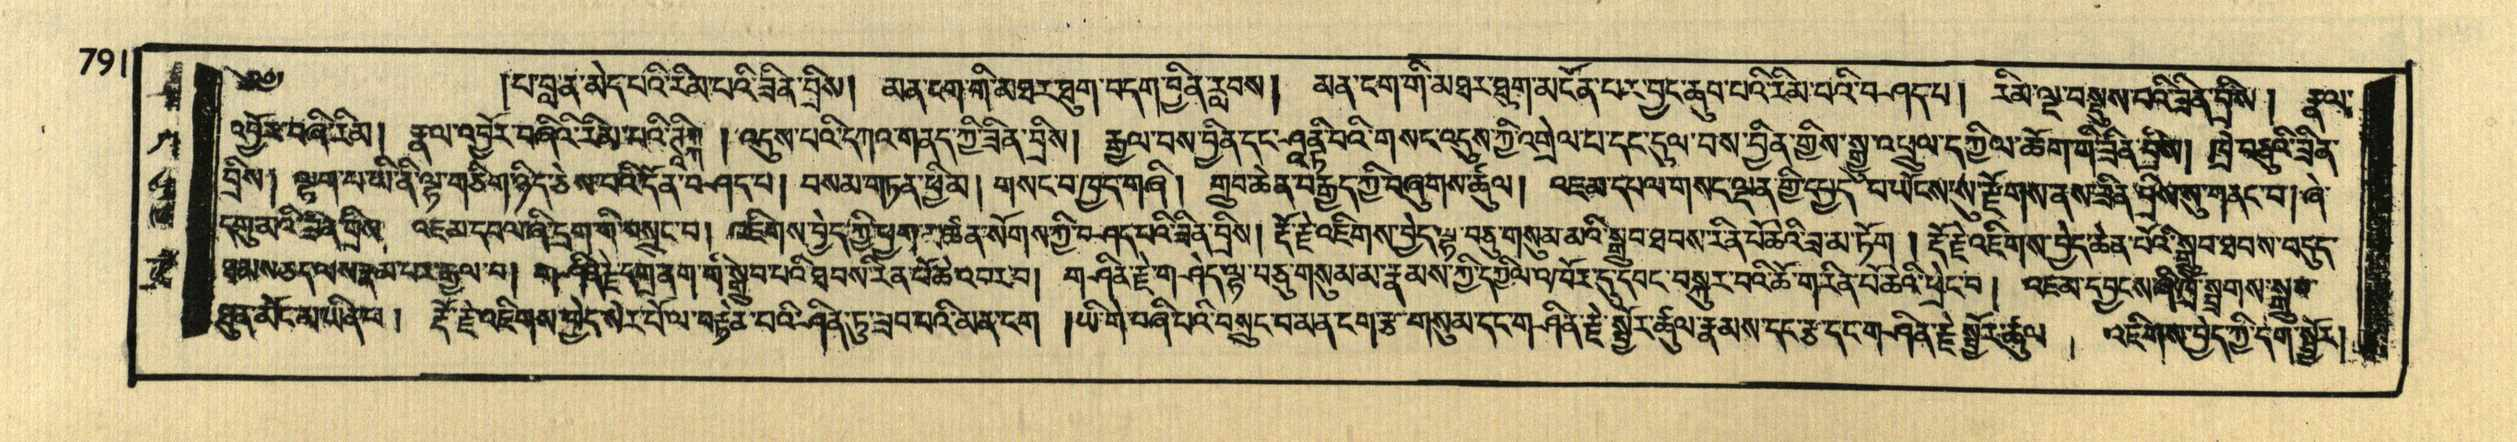༄༅། །པ་བླ་ན་མེད་པའི་རིམ་པའི་ཟིན་བྲིས། མན་ངག་གི་མཐར་ཐུག་བདག་བྱིན་རླབས། མན་ངག་གི་མཐར་ཐུག་མངོན་པར་བྱང་ཆུབ་པའི་རིམ་པའི་བཤད་པ། རིམ་ལྔ་བསྡུས་བའི་ཟིན་བྲིས། རྣལ་
འབྱོར་བཞི་རིམ། རྣལ་འབྱོར་བཞིའི་རིམ་པའི་ཊཱིཀྐ ། འདུས་པའི་དཀའ་གནད་ཀྱི་ཟིན་བྲིས། རྒྱལ་བས་བྱིན་དང་ཤཱནྟའི་བའི་གསང་འདུས་ཀྱི་འགྲེལ་པ་དང་དུལ་བས་བྱིན་གྱིས་སྒྱུ་འཕྲུལ་དཀྱིལ་ཆོག་གི་ཟིན་བྲིས། ཁྲེ་བཅུའི་ཟིན་
བྲིས། ལྷག་པ་ཡི་ནི་ལྷ་གཅིག་ཉིད་ཅེས་པའི་དོན་བཤད་པ། བསམ་གཏན་ཕྱི་མ། གསང་བ་ཁྱད་གཞི། གྲུབ་ཆེན་བརྒྱད་ཀྱི་བཞུགས་ཚུལ། འཇམ་དཔལ་གསང་ལྡན་གྱི་དཔྱད་པ་ཡོངས་སུ་རྫོགས་ནས་ཟིན་བྲིས་སུ་གནང་བ། ཞེ་
དགུ་མའི་ཟིན་བྲིས། འཇམ་དཔལ་ཞི་དྲག་གི་བསྲུང་བ། འཇིགས་བྱེད་ཀྱི་ཕྱག་མཚན་སོགས་ཀྱི་བཤད་པའི་ཟིན་བྲིས། རྡོ་རྗེ་འཇིགས་བྱེད་ལྷ་བཅུ་གསུམ་མའི་སྒྲུབ་ཐབས་རིན་པོ་ཆེའི་བྲ་མ་ཏོག །རྡོ་རྗེ་འཇིགས་བྱེད་ཆེན་པོའི་སྒྲུབ་ཐབས་བདུད་
ཐམས་ཅད་ལས་རྣམ་པར་རྒྱལ་བ། གཤིན་རྗེ་དགྲ་ནག་གི་སྒྲུབ་པའི་ཐབས་རིན་པོ་ཆེ་འབར་བ། གཤིན་རྗེ་གཤེད་ལྷ་བཅུ་གསུམ་མ་རྣམས་ཀྱི་དཀྱིལ་འཁོར་དུ་དབང་བསྐུར་བའི་ཆོ་ག་རིན་པོ་ཆེའི་ཕྲེང་བ། འཇམ་དབྱངས་ཞི་ཁྲོ་སྦྲགས་སྒྲུབ་
ཐུན་མོང་མ་ཡིན་པ། རྡོ་རྗེ་འཇིགས་བྱེད་སེར་པོ་ལ་བརྟེན་བའི་ཤིན་ཏུ་ཟབ་པའི་མན་ངག །ཡི་གེ་བཞི་པའི་བསྲུང་བ་མན་ངག་རྩ་གསུམ་དང་གཤིན་རྗེ་སྦྱོར་ཚུལ་རྣམས་དང་རྩ་དང་གཤིན་རྗེ་སྦྱོར་ཚུལ་། འཇིགས་བྱེད་ཀྱི་དགེ་སྦྱོར།